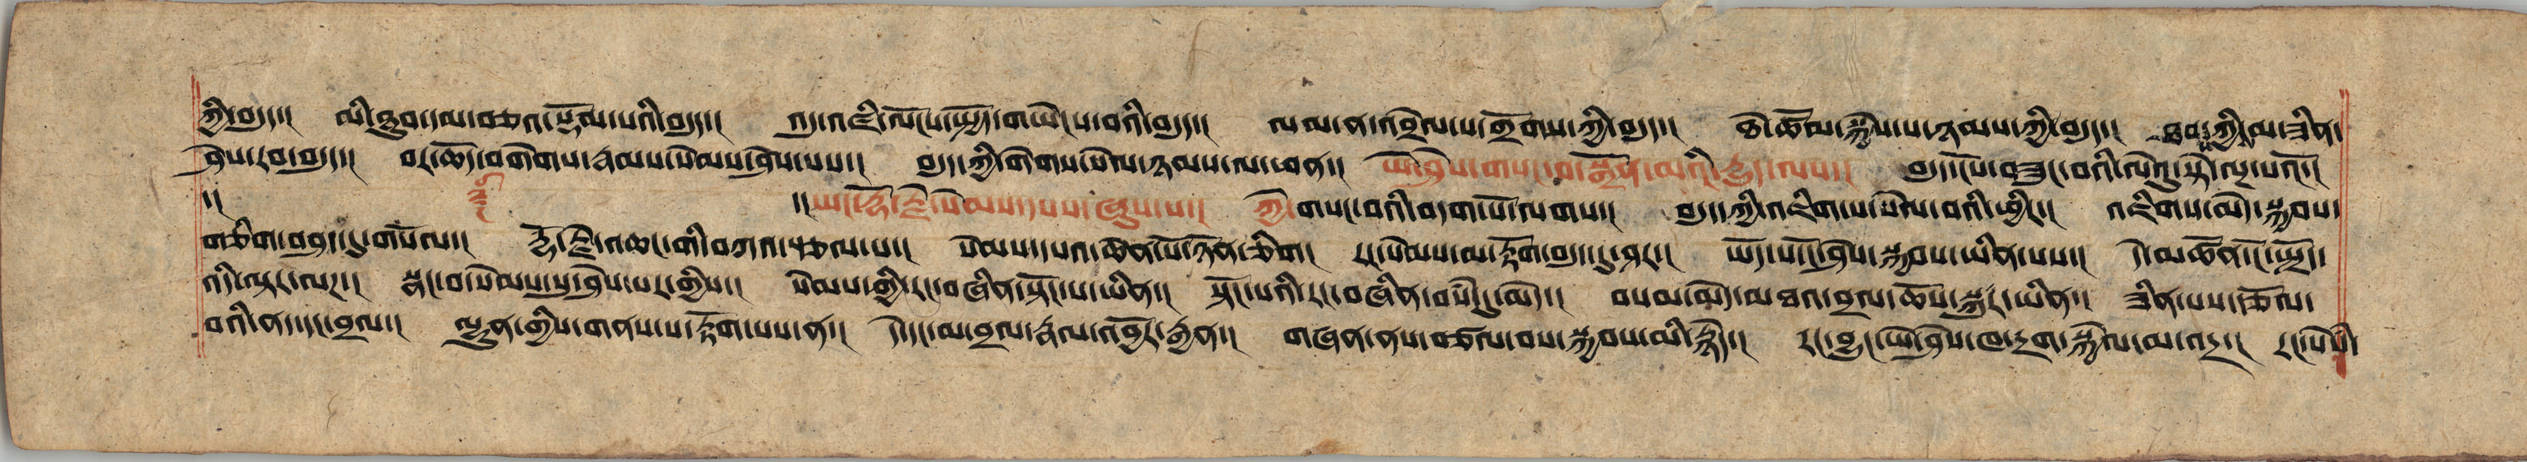ཀྱི་བདུད་། མི་ཐུབ་དམ་བཅའ་སྡོམ་པའི་བདུད་། འདུ་འཛི་ལོངས་སྤྱོད་གཡེངས་བའི་བདུད་། ལམ་ན་འབྲེལ་པ་གྲོགས་ཀྱི་བདུད་། ཐེ་ཚོམ་སྐྱེས་པ་ཉམས་ཀྱི་བདུད་། ཐབས་ཀྱིས་མ་ཟིན་
ཤེས་རབ་བདུད་། བར་ཆོད་བགེགས་རྣམས་སེམས་ཤེས་པས་། བདུད་ཀྱི་གེགས་སེལ་ཉམས་ལ་ཕན་། ཡེ་ཤེས་གསང་བ་སྒྲོན་མའི་དྱུད་ལས་། བདུད་ངོས་བཟུང་བའི་ལེའུ་སྟེ་ལྔ་པའོ་།
༈ ་།ཡང་རྡོ་རྗེ་སེམས་དཔས་ཞུས་པ་། ཀྱེ་གསང་བའིི་བདག་པོ་ལགས་། བདུད་ཀྱི་འཇིག་པ་སེལ་བའི་ཕྱིར་། འཇིགས་མེད་སྐྱབས་
གཅིག་བཤད་དུ་གསོལ་། རྡོ་རྗེ་འཆང་གི་བཀའ་སྩལ་པ་། སེམས་དཔའ་ཆེན་པོ་ཉོན་ཅིག། རང་སེམས་མ་རྟོགས་བདུད་དུ་ཤར་། ཡོད་པ་ངོ་ཤེས་སྐྱབས་ཡིན་པས་། དེ་མཚོན་ངོ་སྤྲོད་
འདི་ལྟར་ལཌ་། སྣང་བ་སེམས་སུ་ཤེས་པར་གྱིས་། སེམས་ཀྱི་རང་བཞིན་སྟོང་པ་ཡིན་། སྟོང་པའི་རང་བཞིན་བསཾ་དུ་མེད་། བསམ་མེད་མཐའ་བྲལ་ཆོས་སྐུར་ཡིན་། ཟིན་པས་རྩོལ་
བའི་ནད་དང་བྲལ་། ལྷུན་གྱིས་གནས་པ་རྟོག་པས་ན་། དེ་དང་མ་བྲལ་རྣལ་འབྱོར་རྒྱན་། གཞན་ནས་བཙལ་བས་སྐྱབས་མི་རྙེད་། རང་བྱུང་ཡེ་ཤེས་ཁ་དྲག་སྐྱེལ་མ་འདྲ་། རང་སེཾས་